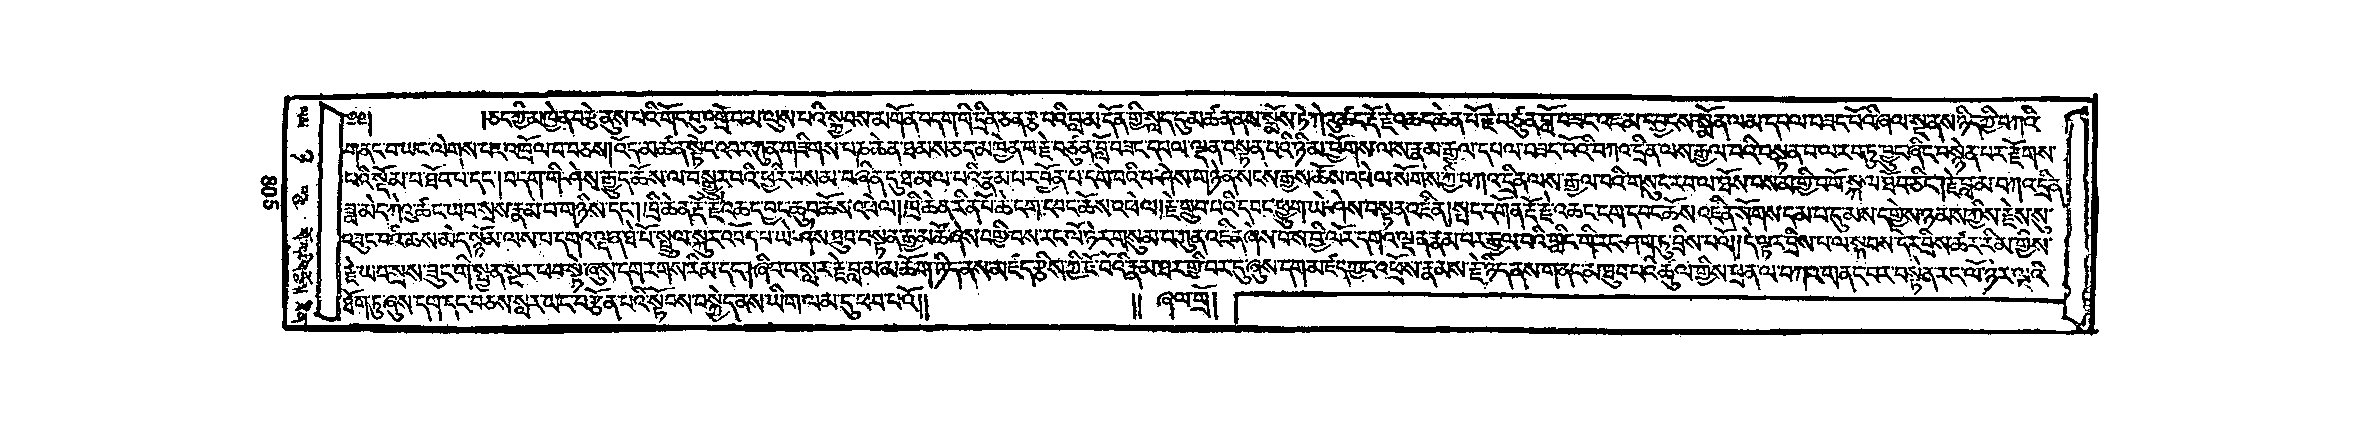༄༅། །ཅད་ཀྱི་མཁྱེན་བརྩེ་ནུས་པའི་གོང་བུ་འགྲོ་བ་མ་ལུས་པའི་སྐྱབས་མགོན་བདག་གི་དྲིན་ཅན་རྩ་བའི་བླ་མ་དོན་གྱི་སླད་དུ་མཚན་ནས་སྨོས་ཏེ་ཀེའུ་ཚང་རྡོ་རྗེ་འཆང་ཆེན་པོ་རྗེ་བཙུན་བློ་བཟང་འཇམ་དབྱངས་སྨོན་ལམ་དཔལ་བཟང་པོའི་ཞལ་སྔ་ནས་ཉིད་ཀྱི་བཀའི་
གནང་བ་ཡང་ལེགས་པར་འཁྲོལ་བ་བཅས། འོད་མཚན་སྟེང་འབར་ཀུན་གཟིགས་པཎ་ཆེན་ཐམས་ཅད་མཁྱེན་པ་རྗེ་བཙུན་བློ་བཟང་དཔལ་ལྡན་བསྟན་པའི་ཉི་མ་ཕྱོགས་ལས་རྣམ་རྒྱལ་དཔལ་བཟང་པོའི་བཀའ་དྲིན་ལས་རྒྱལ་བའི་བསྟན་པ་ལ་རབ་ཏུ་བྱུང་ཞིང་བསྙེན་པར་རྫོགས་
པའི་སྡོམ་པ་ཐོབ་པ་དང་། བདག་གི་ཤེས་རྒྱུད་ཆོས་ལ་བསྒྱུར་བའི་ཕྱིར་བསམ་བཞིན་དུ་ཐ་མལ་པའི་རྣམ་པར་བྱོན་པ་དགེ་བའི་བཤེས་གཉེན་སངས་རྒྱས་ཆོས་འཕེལ་སོགས་ཀྱི་བཀའ་དྲིན་ལས་རྒྱལ་བའི་གསུང་རབ་ལ་ཐོས་བསམ་གྱི་བགོ་སྐལ་ཐོབ་ཅིང་། རྗེ་བླ་མ་བཀའ་དྲིན་
ཟླ་མེད་ཀེའུ་ཚང་ཡབ་སྲས་རྣམ་པ་གཉིས་དང་། །ཁྲི་ཆེན་རྡོ་རྗེ་འཆང་བྱང་ཆུབ་ཆོས་འཕེལ། ཁྲི་ཆེན་རིན་པོ་ཆེ་ངག་དབང་ཆོས་འཕེལ། །རྗེ་གྲུབ་པའི་དབང་ཕྱུག་ཡེ་ཤེས་བསྟན་འཛིན། སྤང་དགོན་རྡོ་རྗེ་འཆང་ངག་དབང་ཆོས་འཛིན་སོགས་དམ་པ་དུ་མས་དགྱེས་ཉམས་ཀྱིས་རྗེས་སུ་
བཟུང་བའི་ཆས་མེད་སྙོམ་ལས་པ་དགའ་ལྡན་ཐེ་པོ་སྤྲུལ་སྐུར་འབོད་པ་ཡེ་ཤེས་ཐུབ་བསྟན་རྒྱ་མཚོ་ཞེས་བགྱི་བས་རང་ལོ་ཉེར་གསུམ་པ་ཀུན་འཛིན་ཞེས་པས་བྱི་ལོར་དགའ་ལྡན་རྣམ་པར་རྒྱལ་བའི་གླིང་གི་རང་ཤག་ཏུ་བྲིས་པའོ། །དེ་ལྟར་བྲིས་པ་ལ་སྐབས་དེར་བྲིས་ཚར་རིམ་གྱིས་
རྗེ་ཡབ་སྲས་ཟུང་གི་སྤྱན་སྔར་ཕབ་སྟེ་ཞུས་དག་རགས་རིམ་དང་། ཞིབ་པ་སླར་རྗེ་བླ་མ་མཆོག་ཉིད་ནས་མཛད་རྩིས་ཀྱི་ཇོ་བོའི་རྣམ་ཐར་གྱི་བར་དུ་ཞུས་དག་མཛད་ཀྱང་འཕྲོས་རྣམས་རྗེ་ཉིད་ནས་གནང་མ་ཐུབ་པའི་ཚུལ་གྱིས་ཕྲན་ལ་བཀའ་གནང་བར་བསྟེན་རང་ལོ་ཉེར་ལྔའི་
ཐོག་ཏུ་ཞུས་དག་དང་བཅས་སླར་ཡང་བརྩོན་པའི་སྟོབས་བསྐྱེད་ནས་ཡིག་ལམ་དུ་ཕབ་པའོ།། །།ཞལ་གྲོ།།